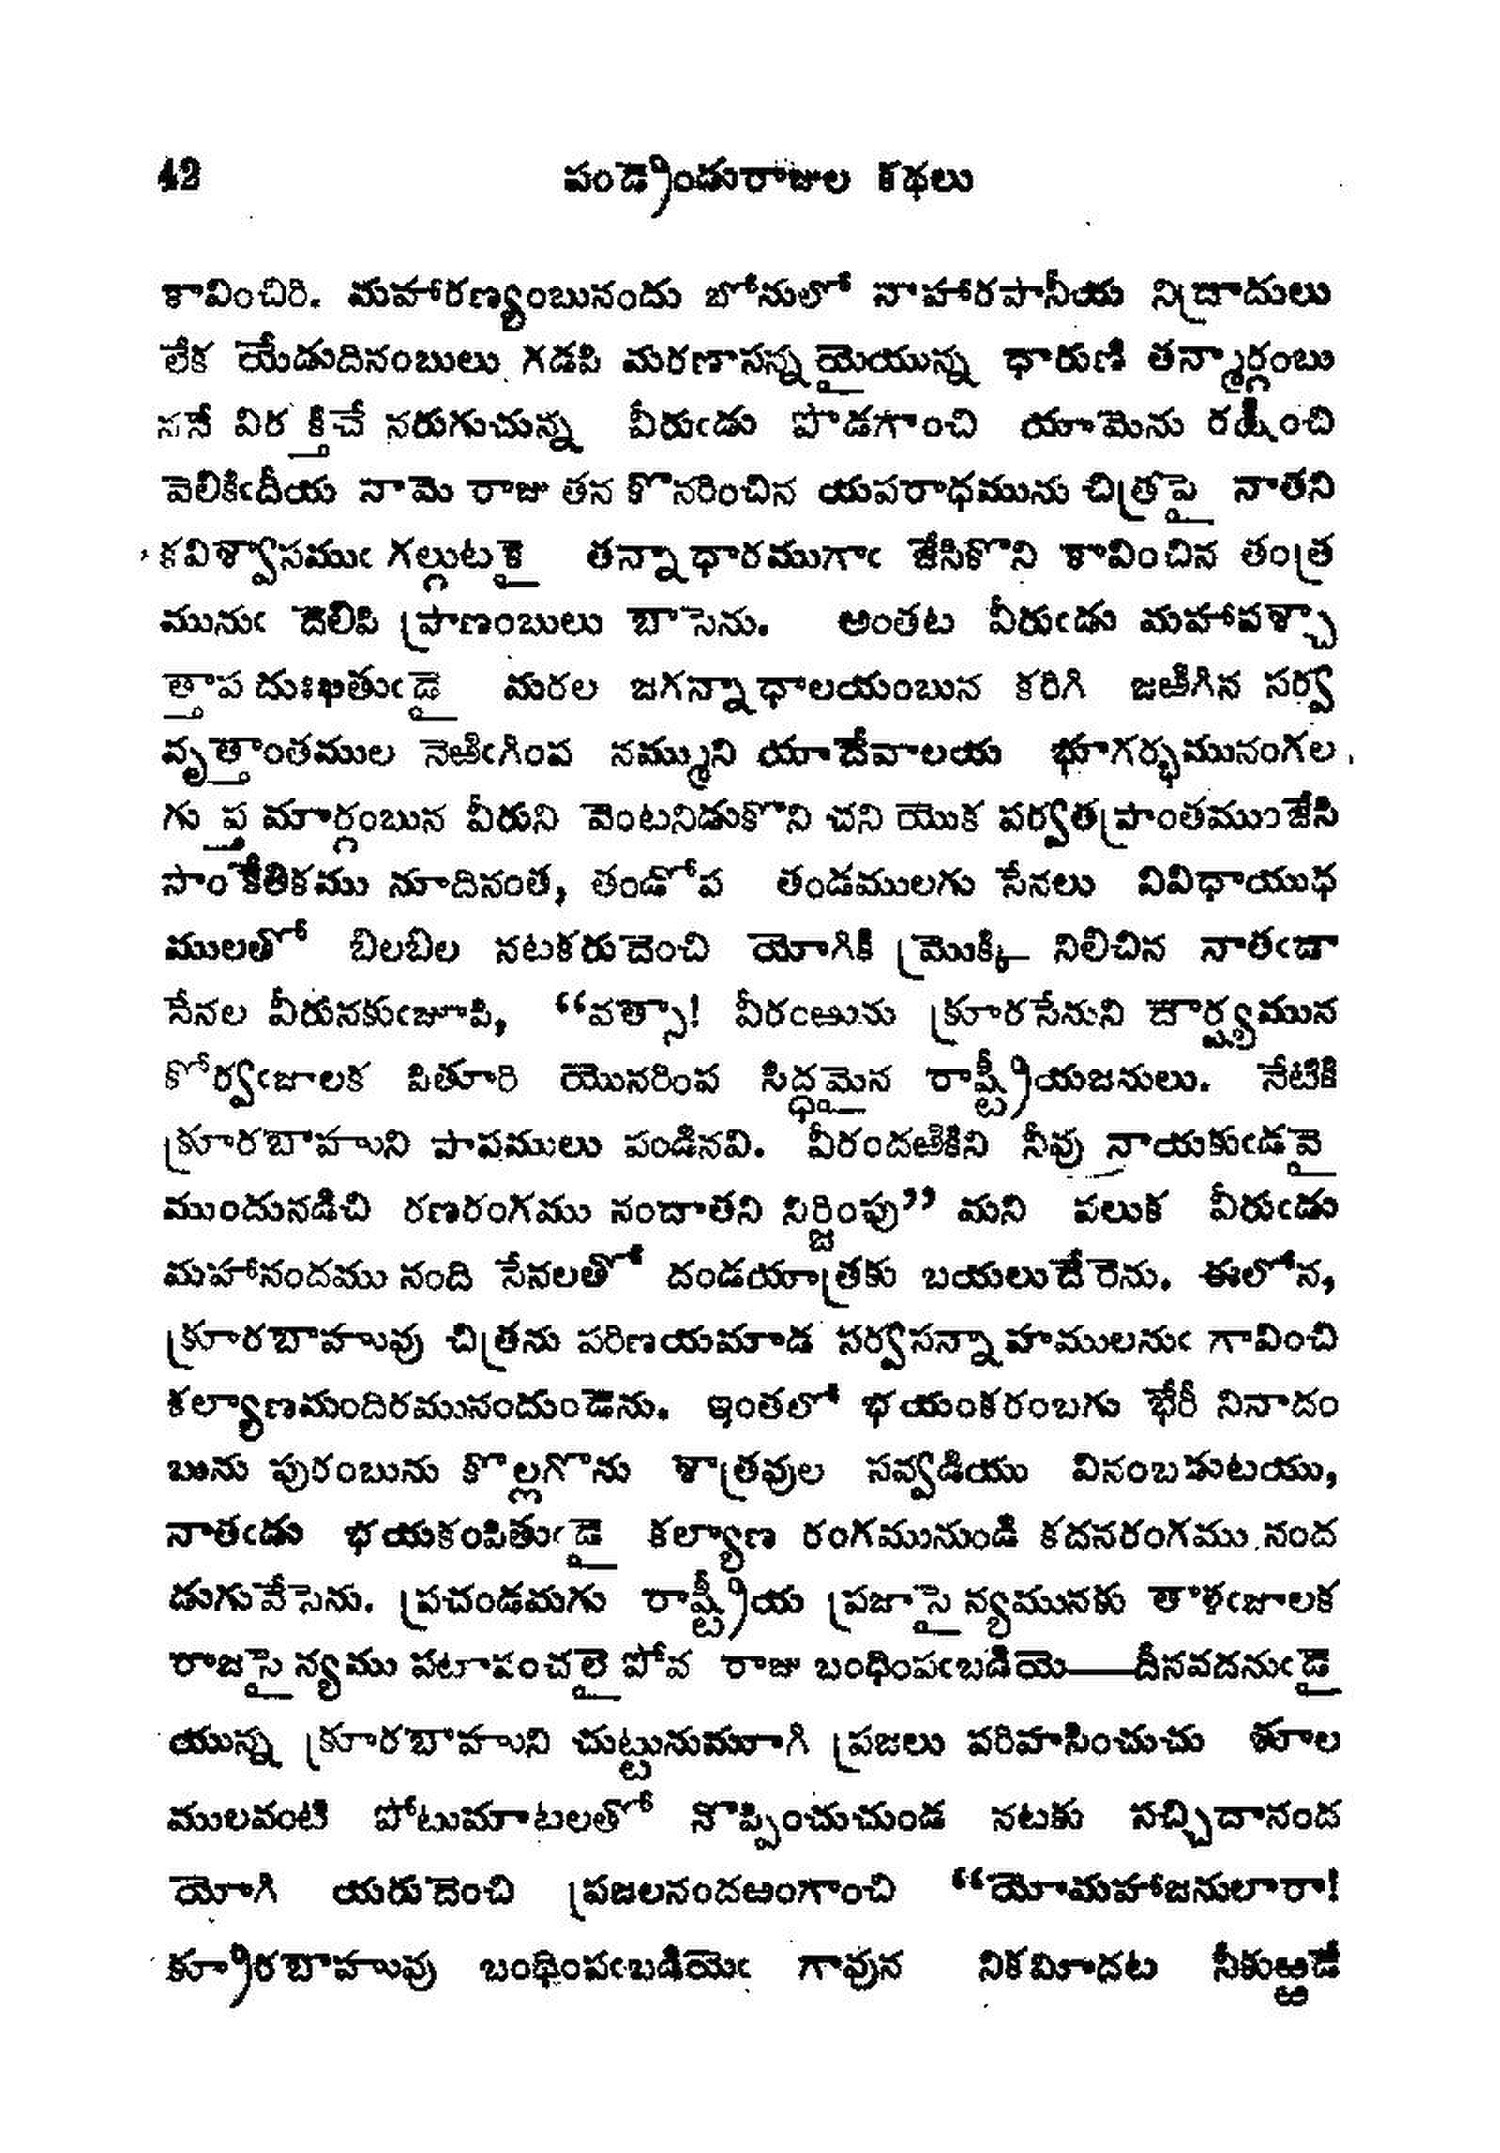కావించిరి. మహారణ్యంబునందు బోనులో నాహారపానీయ నిద్రాదులు లేక యేడుదినంబులు గడపి మరణాసన్న యైయున్న ధారుణి తన్మార్గంబుననే విరక్తిచే నరుగుచున్న వీరుఁడు పొడగాంచి యామెను రక్షించి వెలికిఁదీయ నామె రాజు తన కొనరించిన యపరాధమును చిత్రపై నాతని కవిశ్వాసముఁ గల్గుటకై తన్నాధారముగాఁ జేసికొని కావించిన తంత్రమునుఁ దెలిపి ప్రాణంబులు బాసెను. అంతట వీరుఁడు మహాపశ్చాత్తాప దుఃఖితుఁడై మరల జగన్నాధాలయంబున కరిగి జఱిగిన సర్వ
వృత్తాంతముల నెఱిఁగింప నమ్ముని యాదేవాలయ భూగర్భమునంగల గుప్త మార్గంబున వీరుని వెంటనిడుకొని చని యొక పర్వత ప్రాంతముం జేసి సాంకేతికము నూదినంత, తండోప తండములగు సేనలు వివిధాయుధములలో బిలబిల నటకరుదెంచి యోగికి మ్రొక్కి నిలిచిన నాతఁడా సేనల వీరునకుఁజూపి, “వత్సా! వీరందఱును క్రూరసేనుని దౌర్జ్యమున
కోర్వఁజూలక పితూరి యొనరింప సిద్ధమైన రాష్ట్రీయజనులు. నేటికి క్రూరబాహుని పాపములు పండినవి. వీరందఱికిని నీవు నాయకుఁడవై ముందునడిచి రణరంగము నందాతని నిర్జింపు" మని పలుక వీరుఁడు మహానందము నంది సేనలతో దండయాత్రకు బయలుదేరెను. ఈలోన, క్రూరబాహువు చిత్రను పరిణయమాడ సర్వసన్నాహములనుఁ గావించి కల్యాణ మందిరమునందుండెను. ఇంతలో భయంకరంబగు భేరీ నినాదంబును పురంబును కొల్లగొను శాత్రవుల సవ్వడియు వినంబడుటయు, నాతఁడు భయకంపితుఁడై కల్యాణ రంగమునుండి కదనరంగము నందడుగువేసెను. ప్రచండమగు రాష్ట్రీయ ప్రజాసైన్యమునకు తాళఁజాలక రాజసైన్యము పటాపంచలై పోవ రాజు బంధింపఁబడియె——దీనవదనుఁడై యున్న క్రూరబాహుని చుట్టునుమూగి ప్రజలు పరిహసించుచు శూలములవంటి పోటుమాటలతో నొప్పించుచుండ నటకు సచ్చిదానంద యోగి
యరుదెంచి ప్రజలనందఱంగాంచి "యోమహాజనులారా! క్రూరబాహువు బంధింపఁబడియెఁ గావున నికమీదట నీకుఱ్ఱడే